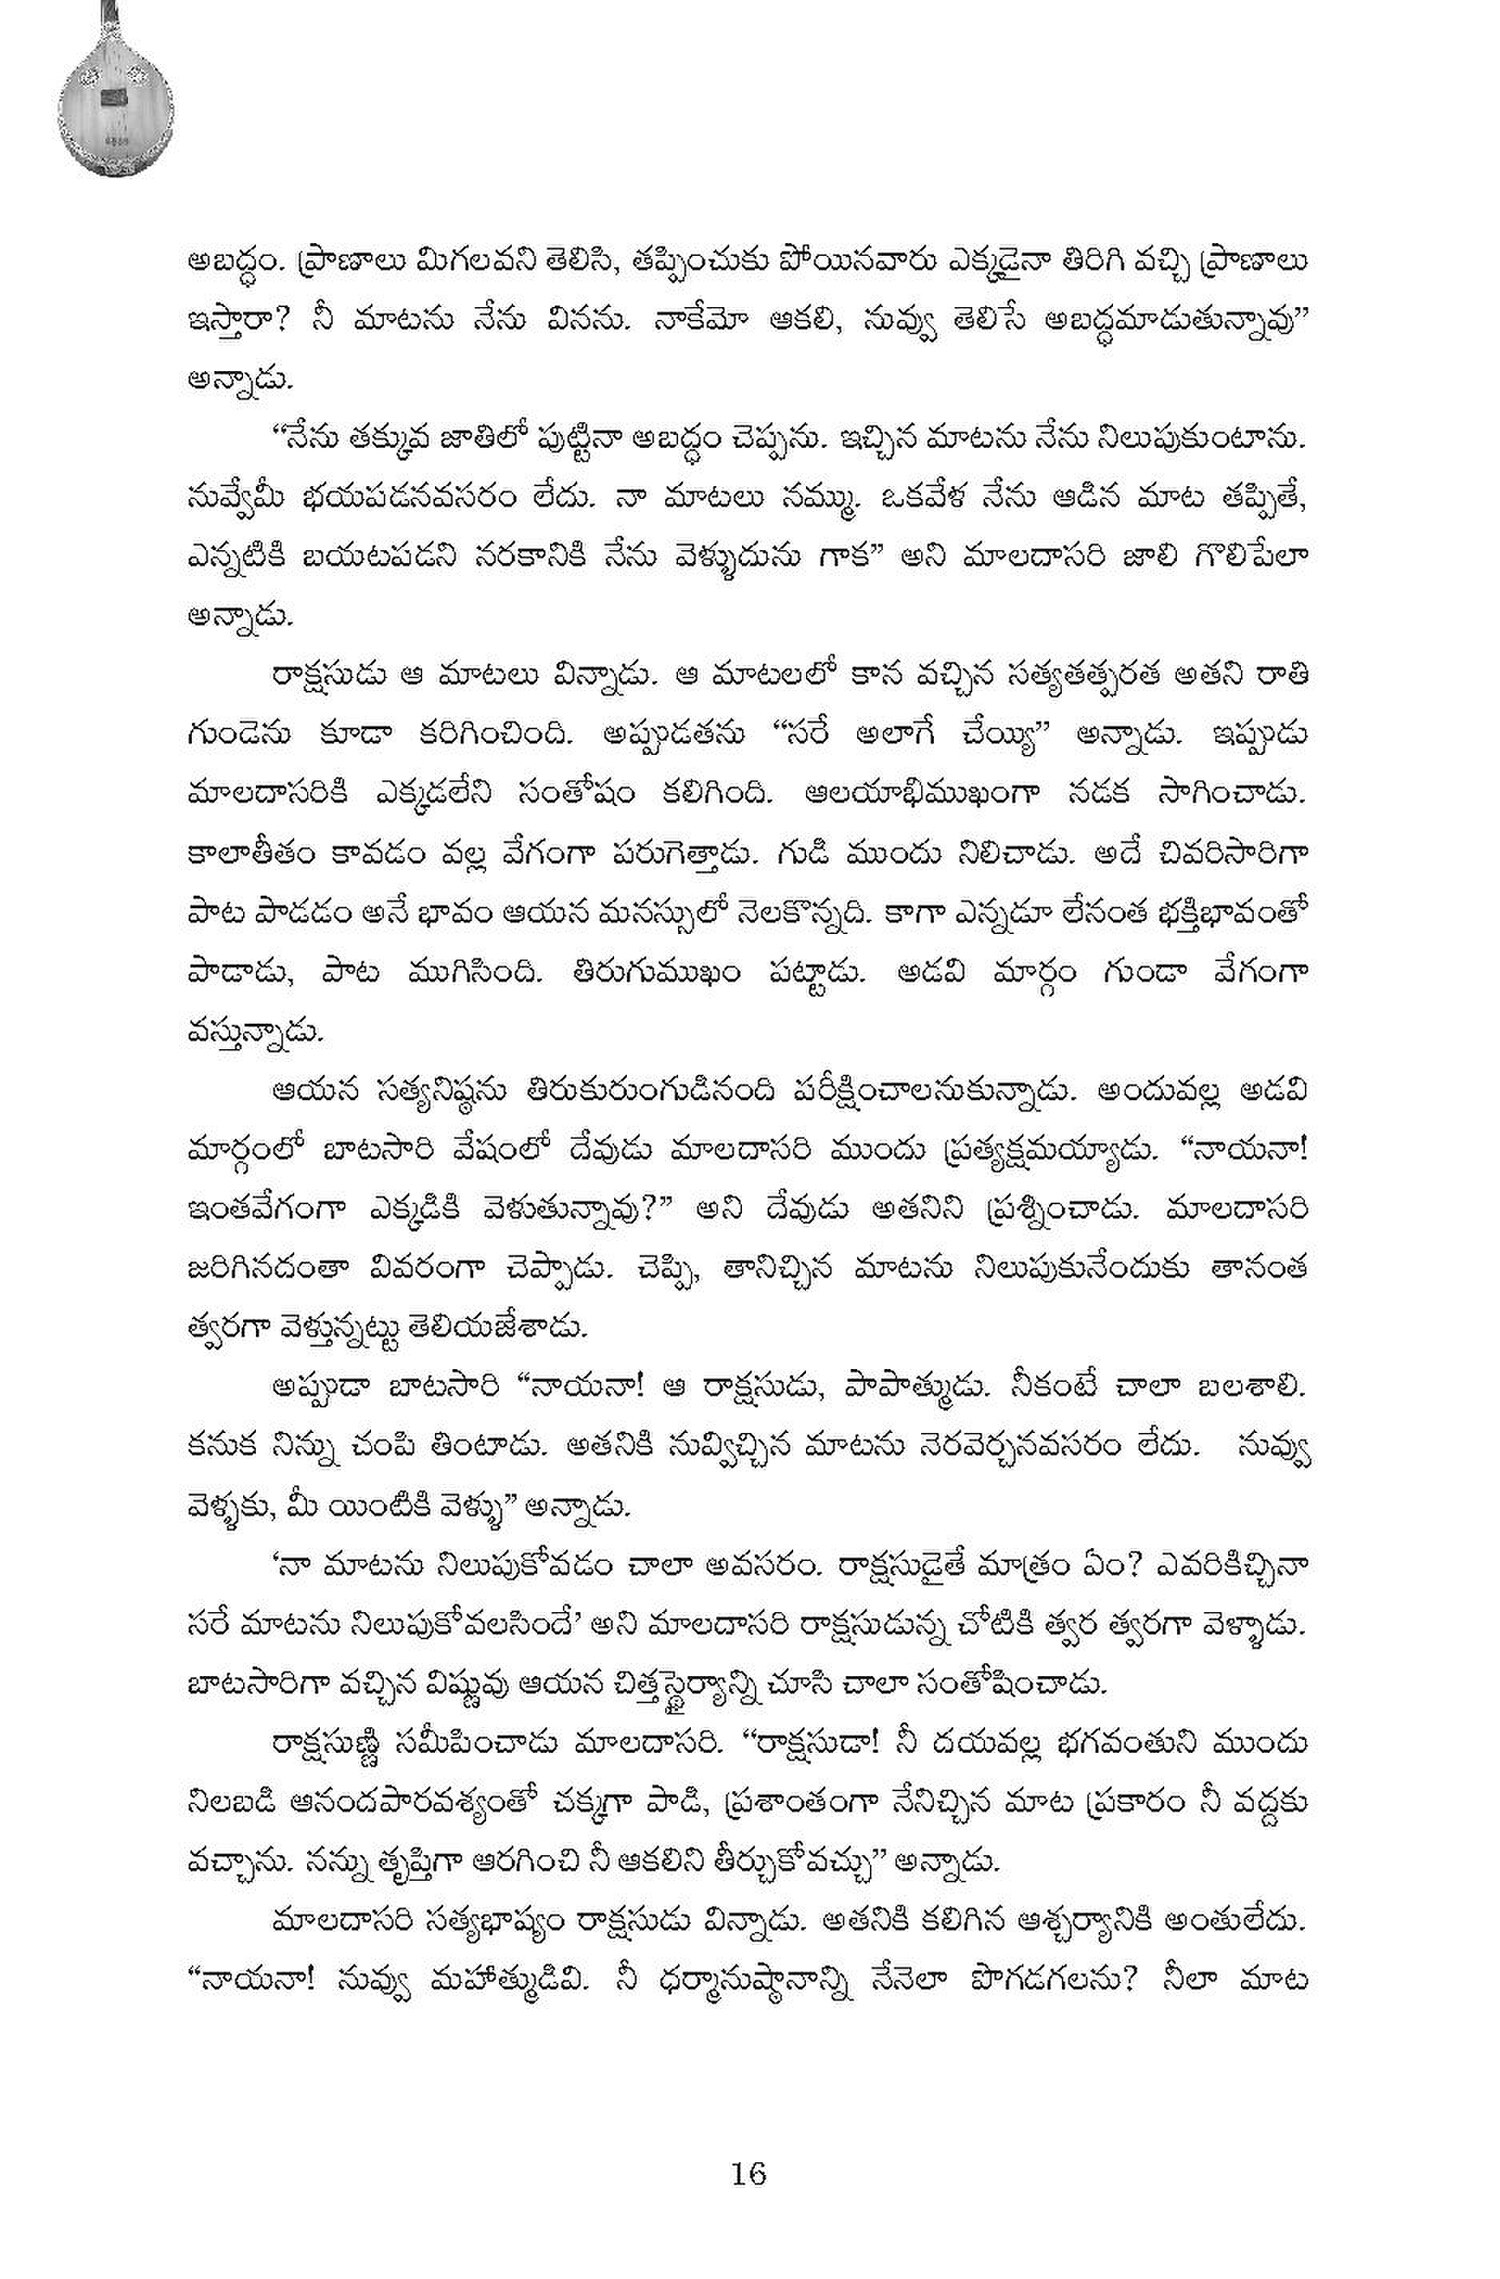అబద్ధం. ప్రాణాలు మిగలవని తెలిసి, తప్పించుకు పోయినవారు ఎక్కడైనా తిరిగి వచ్చి ప్రాణాలు ఇస్తారా? నీ మాటను నేను వినను. నాకేమో ఆకలి, నువ్వు తెలిసే అబద్ధమాడుతున్నావు” అన్నాడు.

“నేను తక్కువ జాతిలో పుట్టినా అబద్ధం చెప్పను. ఇచ్చిన మాటను నేను నిలుపుకుంటాను. నువ్వేమీ భయపడనవసరం లేదు. నా మాటలు నమ్ము. ఒకవేళ నేను ఆడిన మాట తప్పితే, ఎన్నటికి బయటపడని నరకానికి నేను వెళ్ళుదును గాక" అని మాలదాసరి జాలి గొలిపేలా అన్నాడు.

రాక్షసుడు ఆ మాటలు విన్నాడు. ఆ మాటలలో కాన వచ్చిన సత్యతత్పరత అతని రాతి గుండెను కూడా కరిగించింది. అప్పుడతను “సరే అలాగే చేయ్యి” అన్నాడు. ఇప్పుడు మాలదాసరికి ఎక్కడలేని సంతోషం కలిగింది. ఆలయాభిముఖంగా నడక సాగించాడు. కాలాతీతం కావడం వల్ల వేగంగా పరుగెత్తాడు. గుడి ముందు నిలిచాడు. అదే చివరిసారిగా పాట పాడడం అనే భావం ఆయన మనస్సులో నెలకొన్నది. కాగా ఎన్నడూ లేనంత భక్తిభావంతో పాడాడు, పాట ముగిసింది. తిరుగు ముఖం పట్టాడు. అడవి మార్గం గుండా వేగంగా వస్తున్నాడు.

ఆయన సత్యనిష్ఠను తిరుకురుంగుడినంది పరీక్షించాలనుకున్నాడు. అందువల్ల అడవి మార్గంలో బాటసారి వేషంలో దేవుడు మాలదాసరి ముందు ప్రత్యక్షమయ్యాడు. “నాయనా! ఇంతవేగంగా ఎక్కడికి వెళుతున్నావు?" అని దేవుడు అతనిని ప్రశ్నించాడు. మాలదాసరి జరిగినదంతా వివరంగా చెప్పాడు. చెప్పి, తానిచ్చిన మాటను నిలుపుకునేందుకు తానంత
త్వరగా వెళ్తున్నట్టు తెలియజేశాడు.

అప్పుడా బాటసారి “నాయనా! ఆ రాక్షసుడు, పాపాత్ముడు. నీకంటే చాలా బలశాలి. కనుక నిన్ను చంపి తింటాడు. అతనికి నువ్విచ్చిన మాటను నెరవెర్చనవసరం లేదు. నువ్వు వెళ్ళకు, మీ యింటికి వెళ్ళు" అన్నాడు.

'నా మాటను నిలుపుకోవడం చాలా అవసరం. రాక్షసుడైతే మాత్రం ఏం? ఎవరికిచ్చినా సరే మాటను నిలుపుకోవలసిందే' అని మాలదాసరి రాక్షసుడున్న చోటికి త్వర త్వరగా వెళ్ళాడు. బాటసారిగా వచ్చిన విష్ణువు ఆయన చిత్తస్థైర్యాన్ని చూసి చాలా సంతోషించాడు.

రాక్షసుణ్ణి సమీపించాడు మాలదాసరి. "రాక్షసుడా! నీ దయవల్ల భగవంతుని ముందు నిలబడి ఆనందపారవశ్యంతో చక్కగా పాడి, ప్రశాంతంగా నేనిచ్చిన మాట ప్రకారం నీ వద్దకు వచ్చాను. నన్ను తృప్తిగా ఆరగించి నీ ఆకలిని తీర్చుకోవచ్చు" అన్నాడు.

మాలదాసరి సత్యభాష్యం రాక్షసుడు విన్నాడు. అతనికి కలిగిన ఆశ్చర్యానికి అంతులేదు. “నాయనా! నువ్వు మహాత్ముడివి. నీ ధర్మానుష్ఠానాన్ని నేనెలా పొగడగలను? నీలా మాట